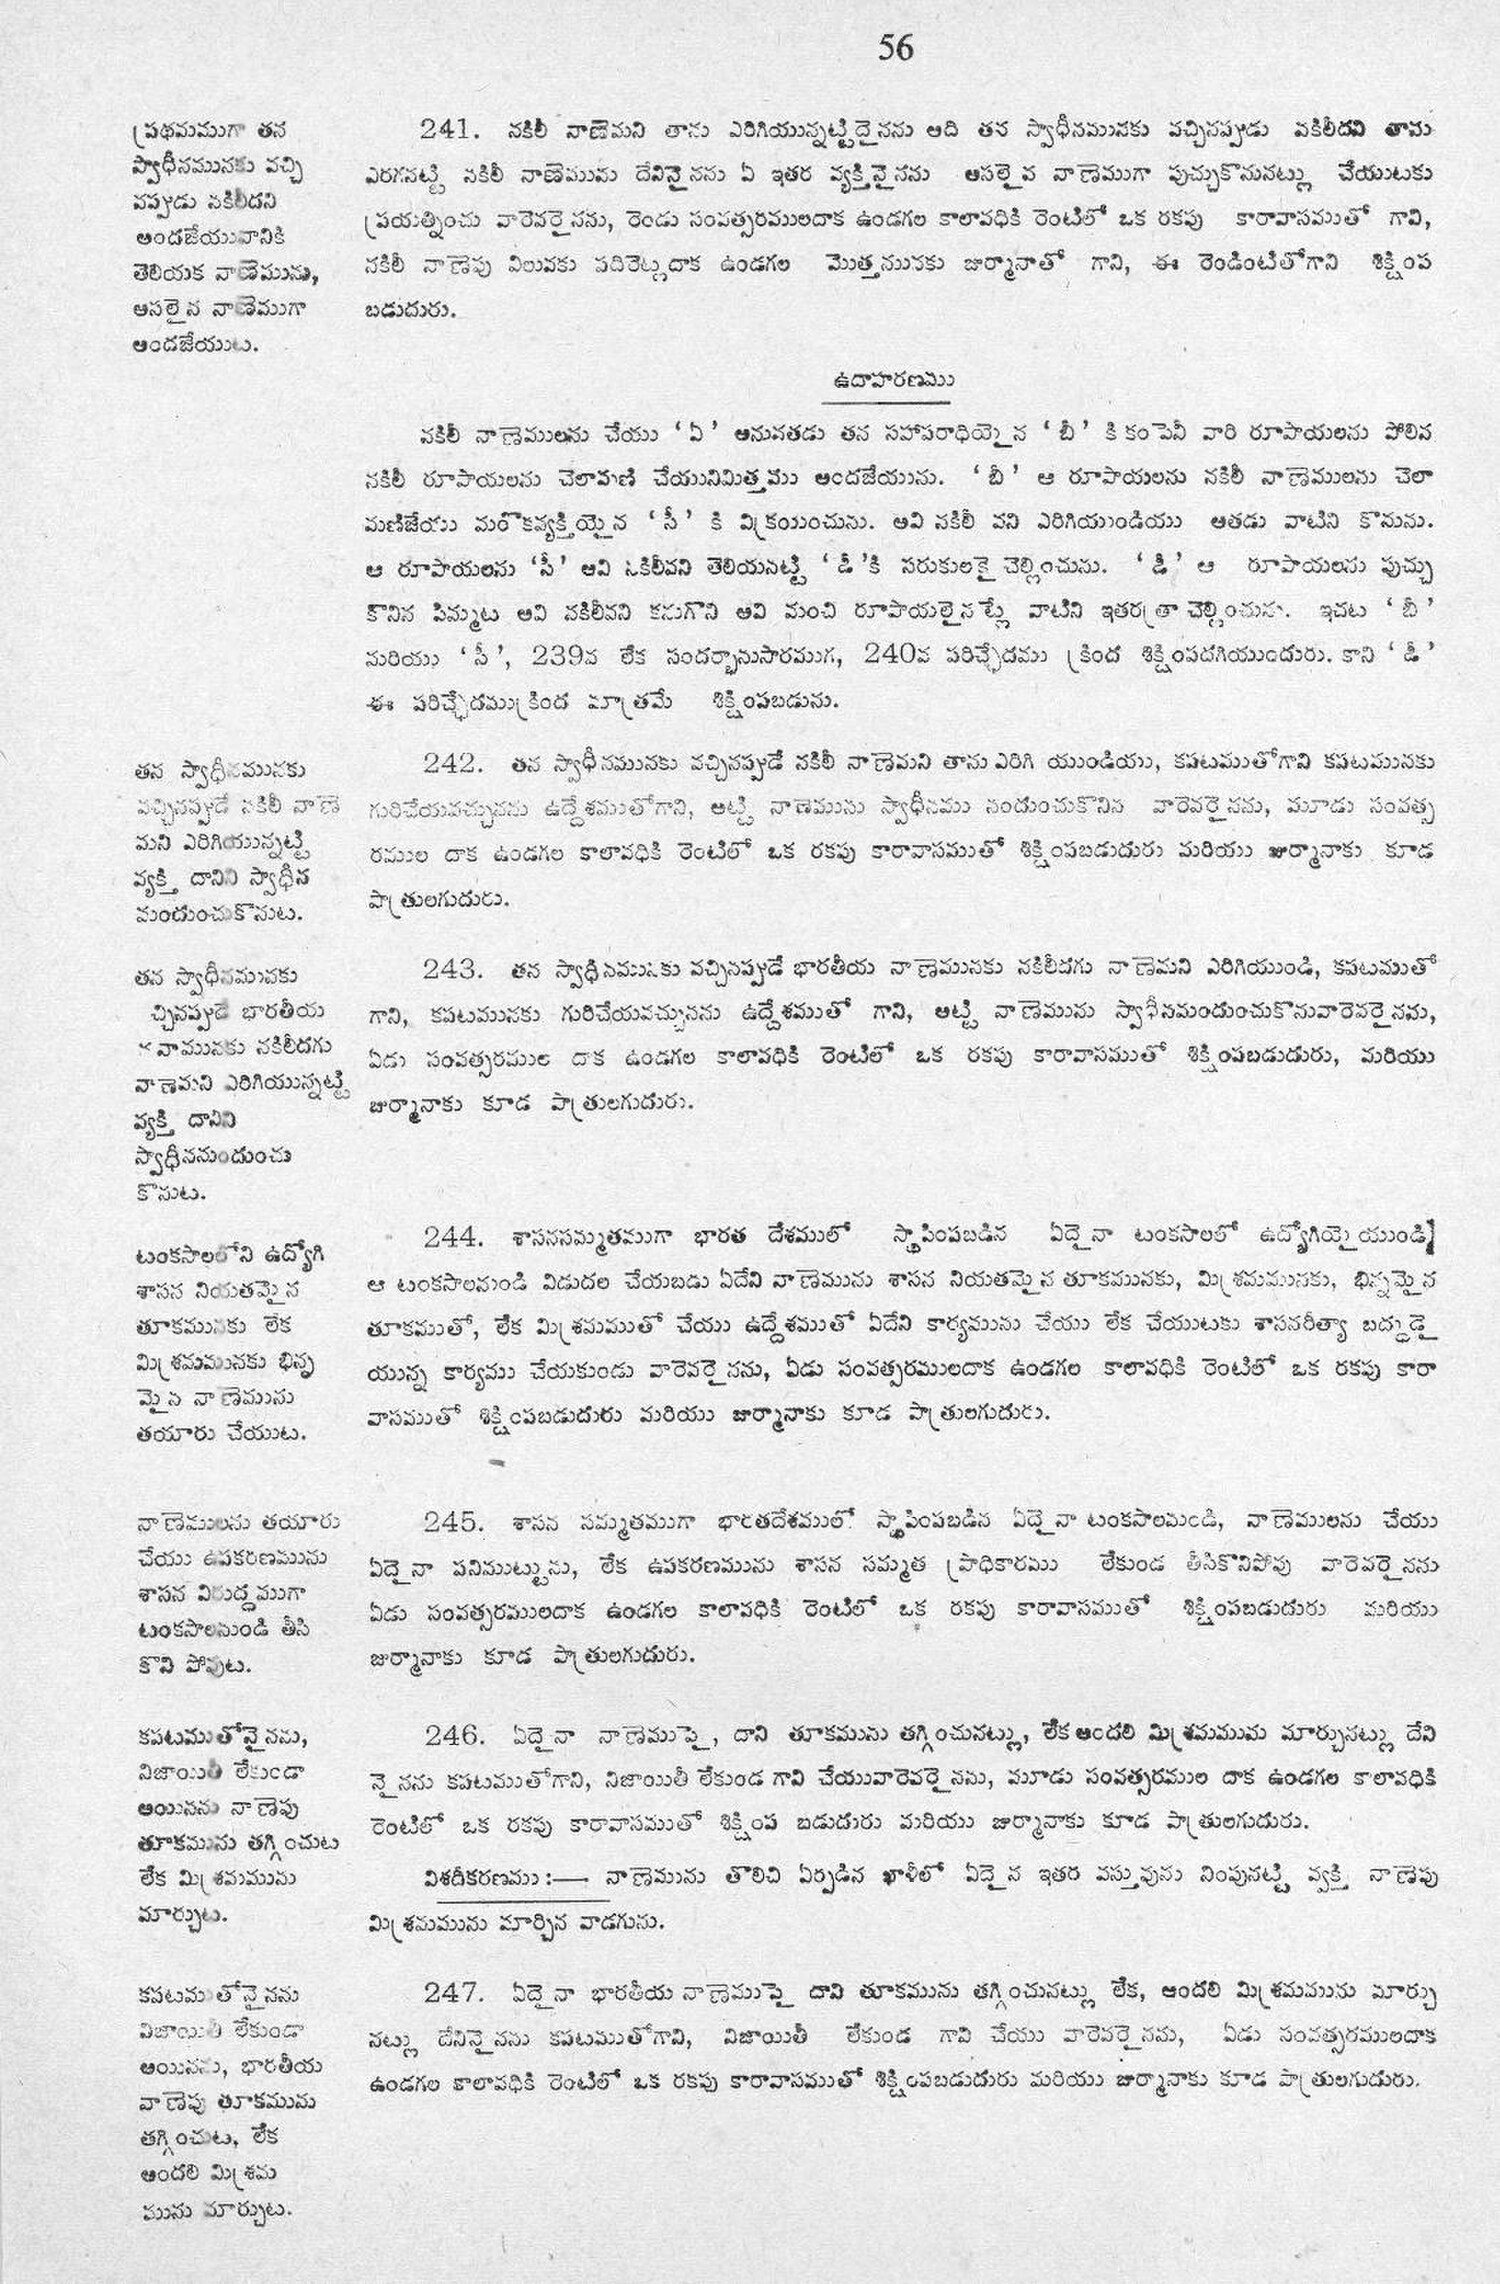ప్రథమముగా తన స్వాధీనమునకు వచ్చినప్పుడు నకిలీదని అందజేయువానికి తెలియక నాణెమును, అసలైన నాణెముగా అందజేయుట.

241. నకిలీ నాణెమని తాసు ఎరిగియున్నట్టి దైనను ఆది తన స్వాధీనమునకు వచ్చినప్పుడు నకిలీదని తాను ఎరగనట్టి నకిలీ నాణేమును దేనినై నను ఏ ఇతర వ్యక్తి నైనను అసలైన నాణెముగా పుచ్చుకొనునట్లు చేయుటకు ప్రయత్నించు వారెవరైనను, రెండు సంవత్సరములదాక ఉండగల కాలావధికి రెంటిలో ఒక రకపు కారావాసముతో గాని, నకిలీ నాణేపు విలువకు పదిరెట్ల దాక ఉండగల మొత్తమునకు జార్మానాతో గాని, ఈ రెండింటితొగాని శిక్షింపబడుదురు.

నకిలీ నాణెములను చేయు 'ఏ ' అనునతడు తన సహాపరాధియైన 'బీ' కి కంపెనీ వారి రూపాయలను పోలిన నకిలీ రూపాయలను చెలామణి చేయునిమిత్తము అందజేయును. 'బీ' ఆ రూపాయలను నకిలీ నాణెములను చెలామణిజేయు మరొకవ్యక్తి యైన 'సీ' కి విక్రయించును. అవి నకిలీ వని ఎరిగియుండియు ఆతడు వాటిని కొనును.ఆ రూపాయలను 'సీ' అవి నకిలీవని తెలియనట్టి 'డీ'కి సరుకులకై చెల్లించును. 'డీ' ఆ
రూపాయలను పుచ్చుకొనిన పిమ్మట అవి నకిలీవని కనుగొని అవి మంచి రూపాయలైనట్లే వాటిని ఇతరత్రా చెల్లించును . ఇచట ' బీ 'మరియు ' సీ', 239వ లేక సందర్భానుసారముగ, 240వ పరిచ్ఛేదము క్రింద శిక్షింపదగియుందురు. కాని ' డీ 'ఈ పరిచ్ఛేదము క్రింద మాత్రమే శిక్షింపబడును.

తన స్వాధీనమునకు వచ్చినప్పుడే నకిలీ నాణెమని ఎరిగియున్నట్టి వ్యక్తి దానిని స్వాధీనమందుంచుకొనుట.

242. . తన స్వాధీనమునకు వచ్చినప్పుడే నకిలీ నాణెమని తాను ఎరిగి యుండియు, కపటముతో గాని కపటమునకు గురిచేయవచ్చునను ఉద్దేశములో గాని, అట్టి నాణెమును స్వాధీనము నందుంచుకొనిన వారెవరైనను, మూడు సంవత్సరముల దాక ఉండగల కాలావధికి రెంటిలో ఒక రకపు కారావాసముతో శిక్షింపబడుదురు మరియు జుర్మానాకు కూడ పాత్రులగుదురు.

తన స్వాధీనమునకు చ్చినప్పుడే భారతీయనాణెమునకు నకిలీదగు నా ణెమని ఎరిగియున్నట్టి వ్యక్తి దానిని స్వాధీనమందుంచుకొనుట.

243. తన స్వాధీ నమునకు వచ్చినప్పుడే భారతీయ నాణెమునకు నకిలీదగు నాణెమని ఎరిగియుండి, కపటముతోగాని, కపటమునకు గురిచేయవచ్చునను ఉద్దేశముతో గాని, అట్టి నాణెమును స్వాధీనమందుంచుకొనువారెవరై నను,ఏడు సంవత్సరముల దాక ఉండగల కాలావధికి రెంటిలో ఒక రకపు కారావాసముతో శిక్షింపబడుదురు, మరియు జుర్మానాకు కూడ పాత్రులగుదురు.

టంకసాలలోని ఉద్యోగి శాసన నియతమైన తూకమునకు లేక మిశ్రమమునకు భిన్నమైన నాణెమును తయారు చేయుట.

244. శాసనసమ్మతముగా భారత దేశములో స్థాపింపబడిన ఏదైనా టంకసాలలో ఉద్యోగియై యుండి ఆ టంకసాలనుండి విడుదల చేయబడు ఏదేని నాణెమును శాసన నియతమైన తూకమునకు, మిశ్రమమునకు, భిన్నమైన తూకముతో, లేక మిశ్రమముతో చేయు ఉద్దేశముతో ఏదేని కార్యమును చేయు లేక చేయుటకు శాసనరీత్యా బద్దుడై యున్న కార్యము చేయకుండు వారెవరైనను, ఏడు సంవత్సరములదాక ఉండగల కాలావధికి రెంటిలో ఒక రకపు కారావాసముతో శిక్షింపబడుదురు మరియు జుర్మానాకు కూడ పాత్రులగుదురు.

నాణెములను తయారుచేయు ఉపకరణమును శాసన విరుద్ధముగా టంకసాలనుండి తీసికొని పోవుట.

245. శాసన సమ్మతముగా భారతదేశములో స్థాపింపబడిన ఏదైనా టంకసాలనుండి, నాణెములను చేయు ఏదైనా పనిముట్టును, లేక ఉపకరణమును శాసన సమ్మత ప్రాధికారము లేకుండ తీసికొనిపోపు వారెవరైనను ఏడు సంవత్సరములదాక ఉండగల కాలావధికి రెంటిలో ఒక రకపు కారావాసముతో శిక్షింపబడుదురు మరియు జుర్మానాకు కూడ పాత్రులగుదురు.

కపటముతోనైనను, నిజాయితి లేకుండా అయినను నాణేపు తూకమును తగ్గించుట లేక మిశ్రమమును మార్చుట.

246. ఏదైనా నాణెము పై , దాని తూకమును తగ్గించునట్లు, లేక ఆందలి మిశ్రమముము మార్చునట్లు దేనినైనను కపటముతో గాని, నిజాయితీ లేకుండ గాని చేయువారెవరైనను, మూడు సంవత్సరముల దాక ఉండగల కాలావధికి రెంటిలో ఒక రకపు కారావాసముతో శిక్షింప బడుదురు మరియు జార్మానాకు కూడ పాత్రులగుదురు.

విశదీకరణము :— నాణెమును తొలిచి ఏర్పడిన ఖాళీలో ఏదైన ఇతర వస్తువును నింపునట్టి వ్యక్తి నాణెపు మిశ్రమమును మార్చిన వాడగును.

కపటము తోనైనను నిజాయితీ లేకుండా అయినను, భారతీయ నాణెపు తూకమును తగ్గించుట, లేక అందలి మిశ్రమమును మార్చుట.

247. ఏదైనా భారతీయ నాణెము పై దాని తూకమును తగ్గించునట్లు లేక, ఆందలి మిశ్రమమును మార్చునట్లు దేనినైనను కపటముతో గాని, నిజాయితీ లేకుండ గాని చేయు వారెవరైనము, ఏడు సంవత్సరములదాక ఉండగల కాలావధికి రెంటిలో ఒక రకపు కారావాసముతో శిక్షింపబడుదురు మరియు జుర్మానాకు కూడ పాత్రులగుదురు,